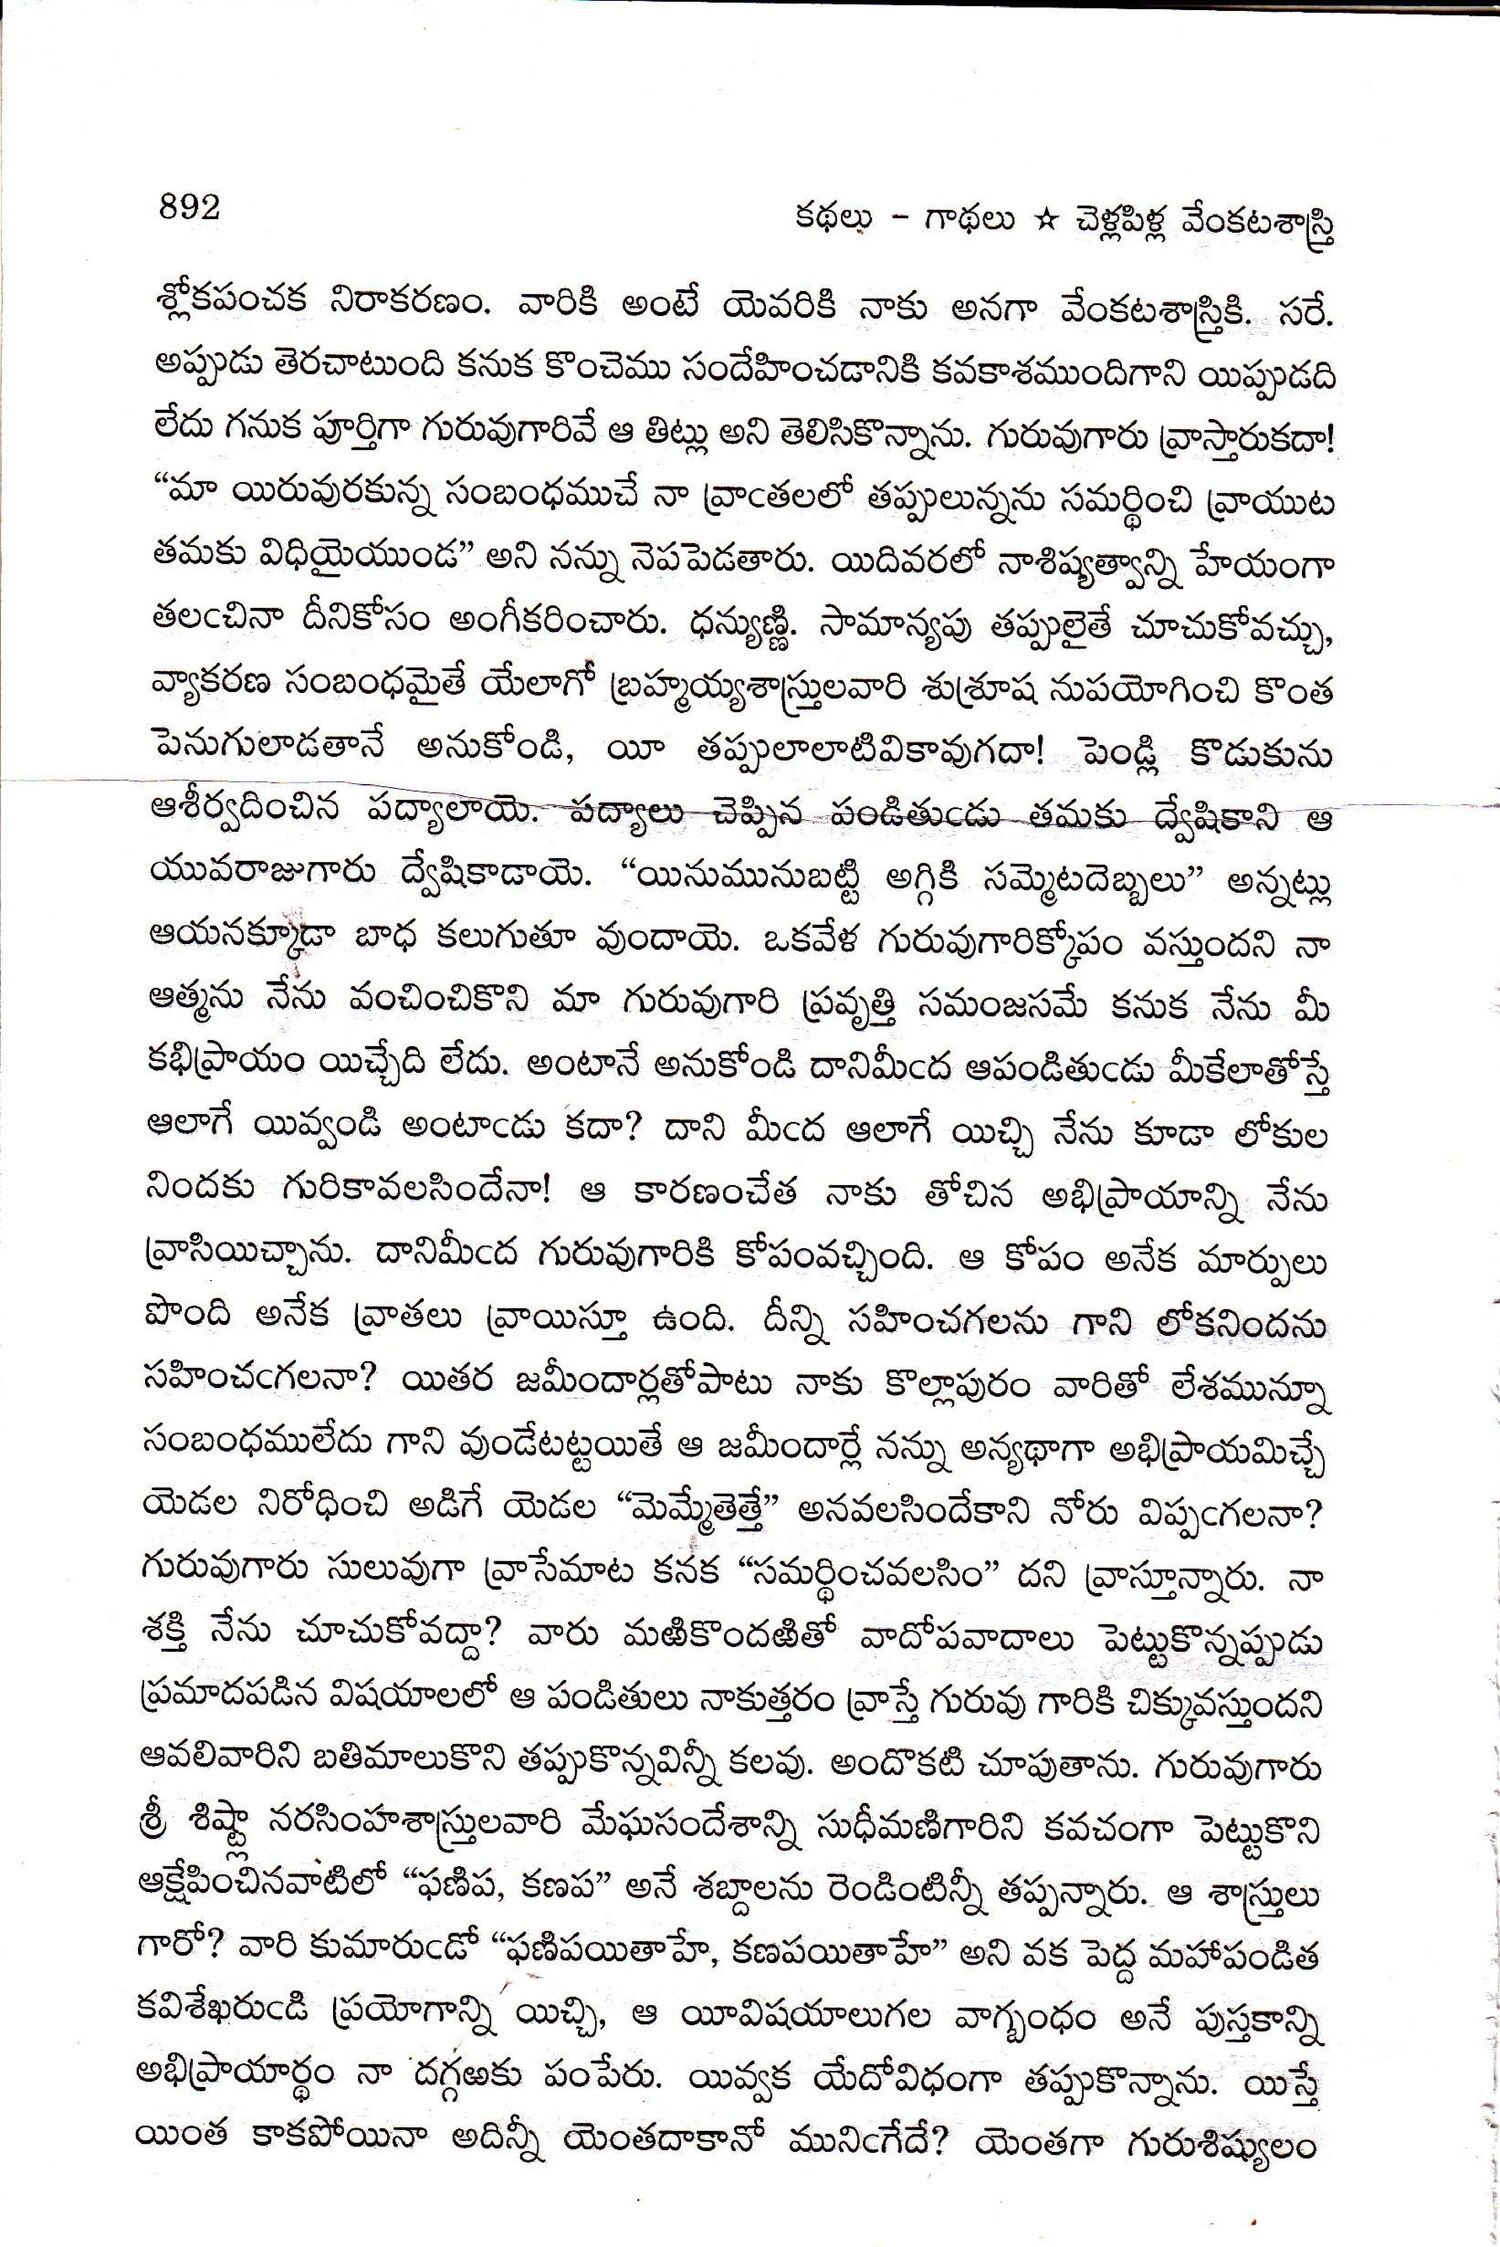శ్లోకపంచక నిరాకరణం. వారికి అంటే యెవరికి నాకు అనగా వేంకటశాస్త్రికి. సరే. అప్పుడు తెరచాటుంది కనుక కొంచెము సందేహించడానికి కవకాశముందిగాని యిప్పుడది లేదు గనుక పూర్తిగా గురువుగారివే ఆ తిట్లు అని తెలిసికొన్నాను. గురువుగారు వ్రాస్తారుకదా! "మా యిరువురకున్న సంబంధముచే నా వ్రాఁతలలో తప్పులున్నను సమర్ధించి వ్రాయుట తమకు విధియైయుండ" అని నన్ను నెపపెడతారు. యిదివరలో నాశిష్యత్వాన్ని హేయంగా తలఁచినా దీనికోసం అంగీకరించారు. ధన్యుణ్ణి. సామాన్యపు తప్పులైతే చూచుకోవచ్చు, వ్యాకరణ సంబంధమైతే యేలాగో బ్రహ్మయ్యశాస్త్రులవారి శుశ్రూష నుపయోగించి కొంత పెనుగులాడతానే అనుకోండి, యీ తప్పులాలాటివికావుగదా! పెండ్లి కొడుకును ఆశీర్వదించిన పద్యాలాయె-పద్యాలు-చెప్పిన-పండితుఁడు-తమకు ద్వేషికాని ఆ యువరాజుగారు ద్వేషికాడాయె. “యినుమునుబట్టి అగ్గికి సమ్మెటచెబ్బలు" అన్నట్లు ఆయనక్కూడా బాధ కలుగుతూ వుందాయె. ఒకవేళ గురువుగారిక్కోపం వస్తుందని నా ఆత్మను నేను వంచించికొని మా గురువుగారి ప్రవృత్తి సమంజసమే కనుక నేను మీ కభిప్రాయం యిచ్చేది లేదు. అంటానే అనుకోండి దానిమీఁద ఆపండితుఁడు మీకేలాతోస్తే ఆలాగే యివ్వండి అంటాఁడు కదా? దాని మీఁద ఆలాగే యిచ్చి నేను కూడా లోకుల నిందకు గురికావలసిందేనా! ఆ కారణంచేత నాకు తోచిన అభిప్రాయాన్ని నేను వ్రాసియిచ్చాను. దానిమీఁద గురువుగారికి కోపంవచ్చింది. ఆ కోపం అనేక మార్పులు పొంది అనేక వ్రాతలు వ్రాయిస్తూ ఉంది. దీన్ని సహించగలను గాని లోకనిందను సహించఁగలనా? యితర జమీందార్లతోపాటు నాకు కొల్లాపురం వారితో లేశమున్నూ సంబంధములేదు గాని వుండేటట్టయితే ఆ జమీందార్లే నన్ను అన్యథాగా అభిప్రాయమిచ్చే యెడల నిరోధించి అడిగే యెడల "మెమ్మేతెత్తే" అనవలసిందేకాని నోరు విప్పఁగలనా? గురువుగారు సులువుగా వ్రాసేమాట కనక "సమర్ధించవలసిం" దని వ్రాస్తూన్నారు. నా శక్తి నేను చూచుకోవద్దా? వారు మఱికొందఱితో వాదోపవాదాలు పెట్టుకొన్నప్పుడు ప్రమాదపడిన విషయాలలో ఆ పండితులు నాకుత్తరం వ్రాస్తే గురువు గారికి చిక్కువస్తుందని ఆవలివారిని బతిమాలుకొని తప్పుకొన్నవిన్నీ కలవు. అందొకటి చూపుతాను. గురువుగారు శ్రీ శిష్ట్లా నరసింహశాస్త్రులవారి మేఘసందేశాన్ని సుధీమణిగారిని కవచంగా పెట్టుకొని ఆక్షేపించినవాటిలో “ఫణిప, కణప" అనే శబ్దాలను రెండింటిన్నీ తప్పన్నారు. ఆ శాస్త్రులు గారో? వారి కుమారుcడో "ఫణిపయితాహే, కణపయితాహే” అని వక పెద్ద మహాపండిత కవిశేఖరుఁడి ప్రయోగాన్ని యిచ్చి, ఆ యీవిషయాలుగల వాగ్బంధం అనే పుస్తకాన్ని అభిప్రాయార్థం నా దగ్గఱకు పంపేరు. యివ్వక యేదోవిధంగా తప్పుకొన్నాను. యిస్తే యింత కాకపోయినా అదిన్నీ యెంతదాకానో మునిఁగేదే? యెంతగా గురుశిష్యులం
_